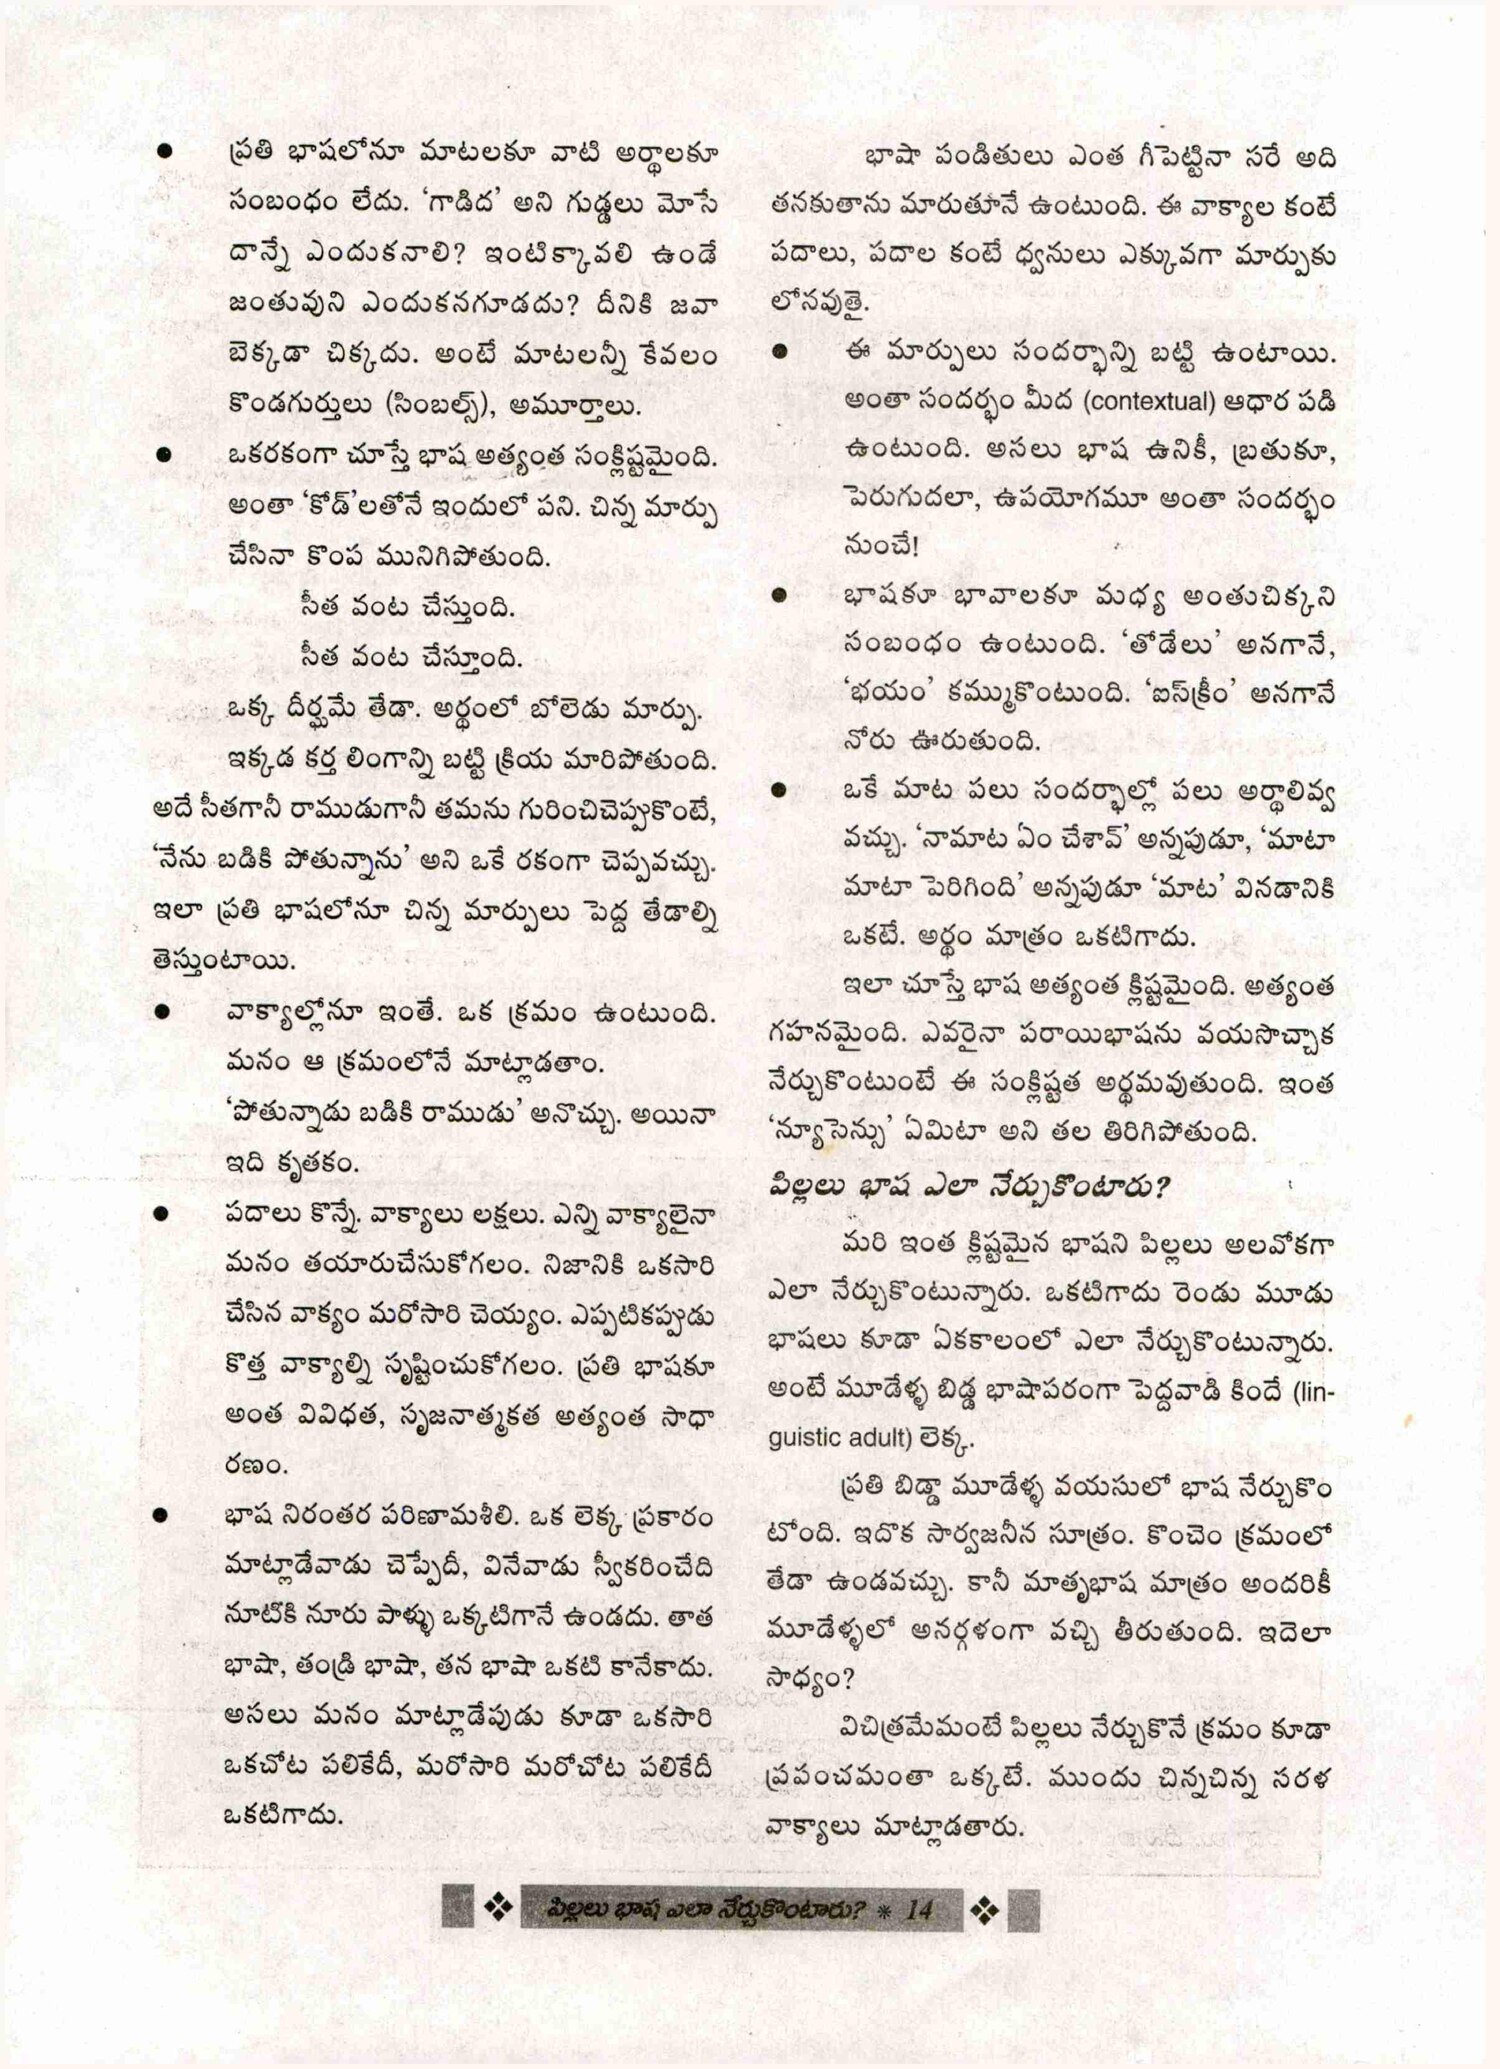ప్రతి భాషలోనూ మాటలకూ వాటి అర్థాలకూ సంబంధం లేదు. 'గాడిద' అని గుడ్డలు మోసే దాన్నే ఎందుకనాలి? ఇంటిక్కావలి ఉండే జంతువుని ఎందుకనగూడదు? దీనికి జవాబెక్కడా చిక్కదు. అంటే మాటలన్నీ కేవలం
కొండగుర్తులు (సింబల్స్), అమూర్తాలు.

 ఒకరకంగా చూస్తే భాష అత్యంత సంక్లిష్టమైంది. అంతా ‘కోడ్'లతోనే ఇందులో పని. చిన్న మార్పు చేసినా కొంప మునిగిపోతుంది.

ఒక్క దీర్ఘమే తేడా. అర్థంలో బోలెడు మార్పు.

ఇక్కడ కర్త లింగాన్ని బట్టి క్రియ మారిపోతుంది. అదే సీతగానీ రాముడుగానీ తమను గురించిచెప్పుకొంటే, 'నేను బడికి పోతున్నాను' అని ఒకే రకంగా చెప్పవచ్చు. ఇలా ప్రతి భాషలోనూ చిన్న మార్పులు పెద్ద తేడాల్ని తెస్తుంటాయి.

 వాక్యాల్లోనూ ఇంతే. ఒక క్రమం ఉంటుంది. మనం ఆ క్రమంలోనే మాట్లాడతాం.

‘పోతున్నాడు బడికి రాముడు' అనొచ్చు. అయినా ఇది కృతకం.

 పదాలు కొన్నే. వాక్యాలు లక్షలు. ఎన్ని వాక్యాలైనా మనం తయారుచేసుకోగలం. నిజానికి ఒకసారి చేసిన వాక్యం మరోసారి చెయ్యం. ఎప్పటికప్పుడు కొత్త వాక్యాల్ని సృష్టించుకోగలం. ప్రతి భాషకూ అంత వివిధత, సృజనాత్మకత అత్యంత సాధారణం.

 భాష నిరంతర పరిణామశీలి. ఒక లెక్క ప్రకారం మాట్లాడేవాడు చెప్పేదీ, వినేవాడు స్వీకరించేది నూటికి నూరు పాళ్ళు ఒక్కటిగానే ఉండదు. తాత భాషా, తండ్రి భాషా, తన భాషా ఒకటి కానేకాదు. అసలు మనం మాట్లాడేపుడు కూడా ఒకసారి ఒకచోట పలికేదీ, మరోసారి మరోచోట పలికేదీ ఒకటిగాదు.

భాషా పండితులు ఎంత గీపెట్టినా సరే అది తనకుతాను మారుతూనే ఉంటుంది. ఈ వాక్యాల కంటే పదాలు, పదాల కంటే ధ్వనులు ఎక్కువగా మార్పుకు లోనవుతై.

 ఈ మార్పులు సందర్భాన్ని బట్టి ఉంటాయి. అంతా సందర్భం మీద (contextual) ఆధార పడి ఉంటుంది. అసలు భాష ఉనికీ, బ్రతుకూ, పెరుగుదలా, ఉపయోగమూ అంతా సందర్భం నుంచే!

 భాషకూ భావాలకూ మధ్య అంతుచిక్కని సంబంధం ఉంటుంది. 'తోడేలు' అనగానే, 'భయం' కమ్ముకొంటుంది. 'ఐస్‌క్రీం' అనగానే నోరు ఊరుతుంది.

 ఒకే మాట పలు సందర్భాల్లో పలు అర్థాలివ్వ వచ్చు. ‘నామాట ఏం చేశావ్' అన్నపుడూ, 'మాటా మాటా పెరిగింది' అన్నపుడూ 'మాట' వినడానికి ఒకటే. అర్థం మాత్రం ఒకటిగాదు.

ఇలా చూస్తే భాష అత్యంత క్లిష్టమైంది. అత్యంత గహనమైంది. ఎవరైనా పరాయిభాషను వయసొచ్చాక నేర్చుకొంటుంటే ఈ సంక్లిష్టత అర్థమవుతుంది. ఇంత 'న్యూసెన్సు' ఏమిటా అని తల తిరిగిపోతుంది.

పిల్లలు భాష ఎలా నేర్చుకొంటారు?

మరి ఇంత క్లిష్టమైన భాషని పిల్లలు అలవోకగా ఎలా నేర్చుకొంటున్నారు. ఒకటిగాదు రెండు మూడు భాషలు కూడా ఏకకాలంలో ఎలా నేర్చుకొంటున్నారు. అంటే మూడేళ్ళ బిడ్డ భాషాపరంగా పెద్దవాడి కిందే (linguistic adult) లెక్క.

ప్రతి బిడ్డా మూడేళ్ళ వయసులో భాష నేర్చుకొంటోంది. ఇదొక సార్వజనీన సూత్రం. కొంచెం క్రమంలో తేడా ఉండవచ్చు. కానీ మాతృభాష మాత్రం అందరికీ మూడేళ్ళలో అనర్గళంగా వచ్చి తీరుతుంది. ఇదెలా సాధ్యం?

విచిత్రమేమంటే పిల్లలు నేర్చుకొనే క్రమం కూడా ప్రపంచమంతా ఒక్కటే. ముందు చిన్నచిన్న సరళ వాక్యాలు మాట్లాడతారు.